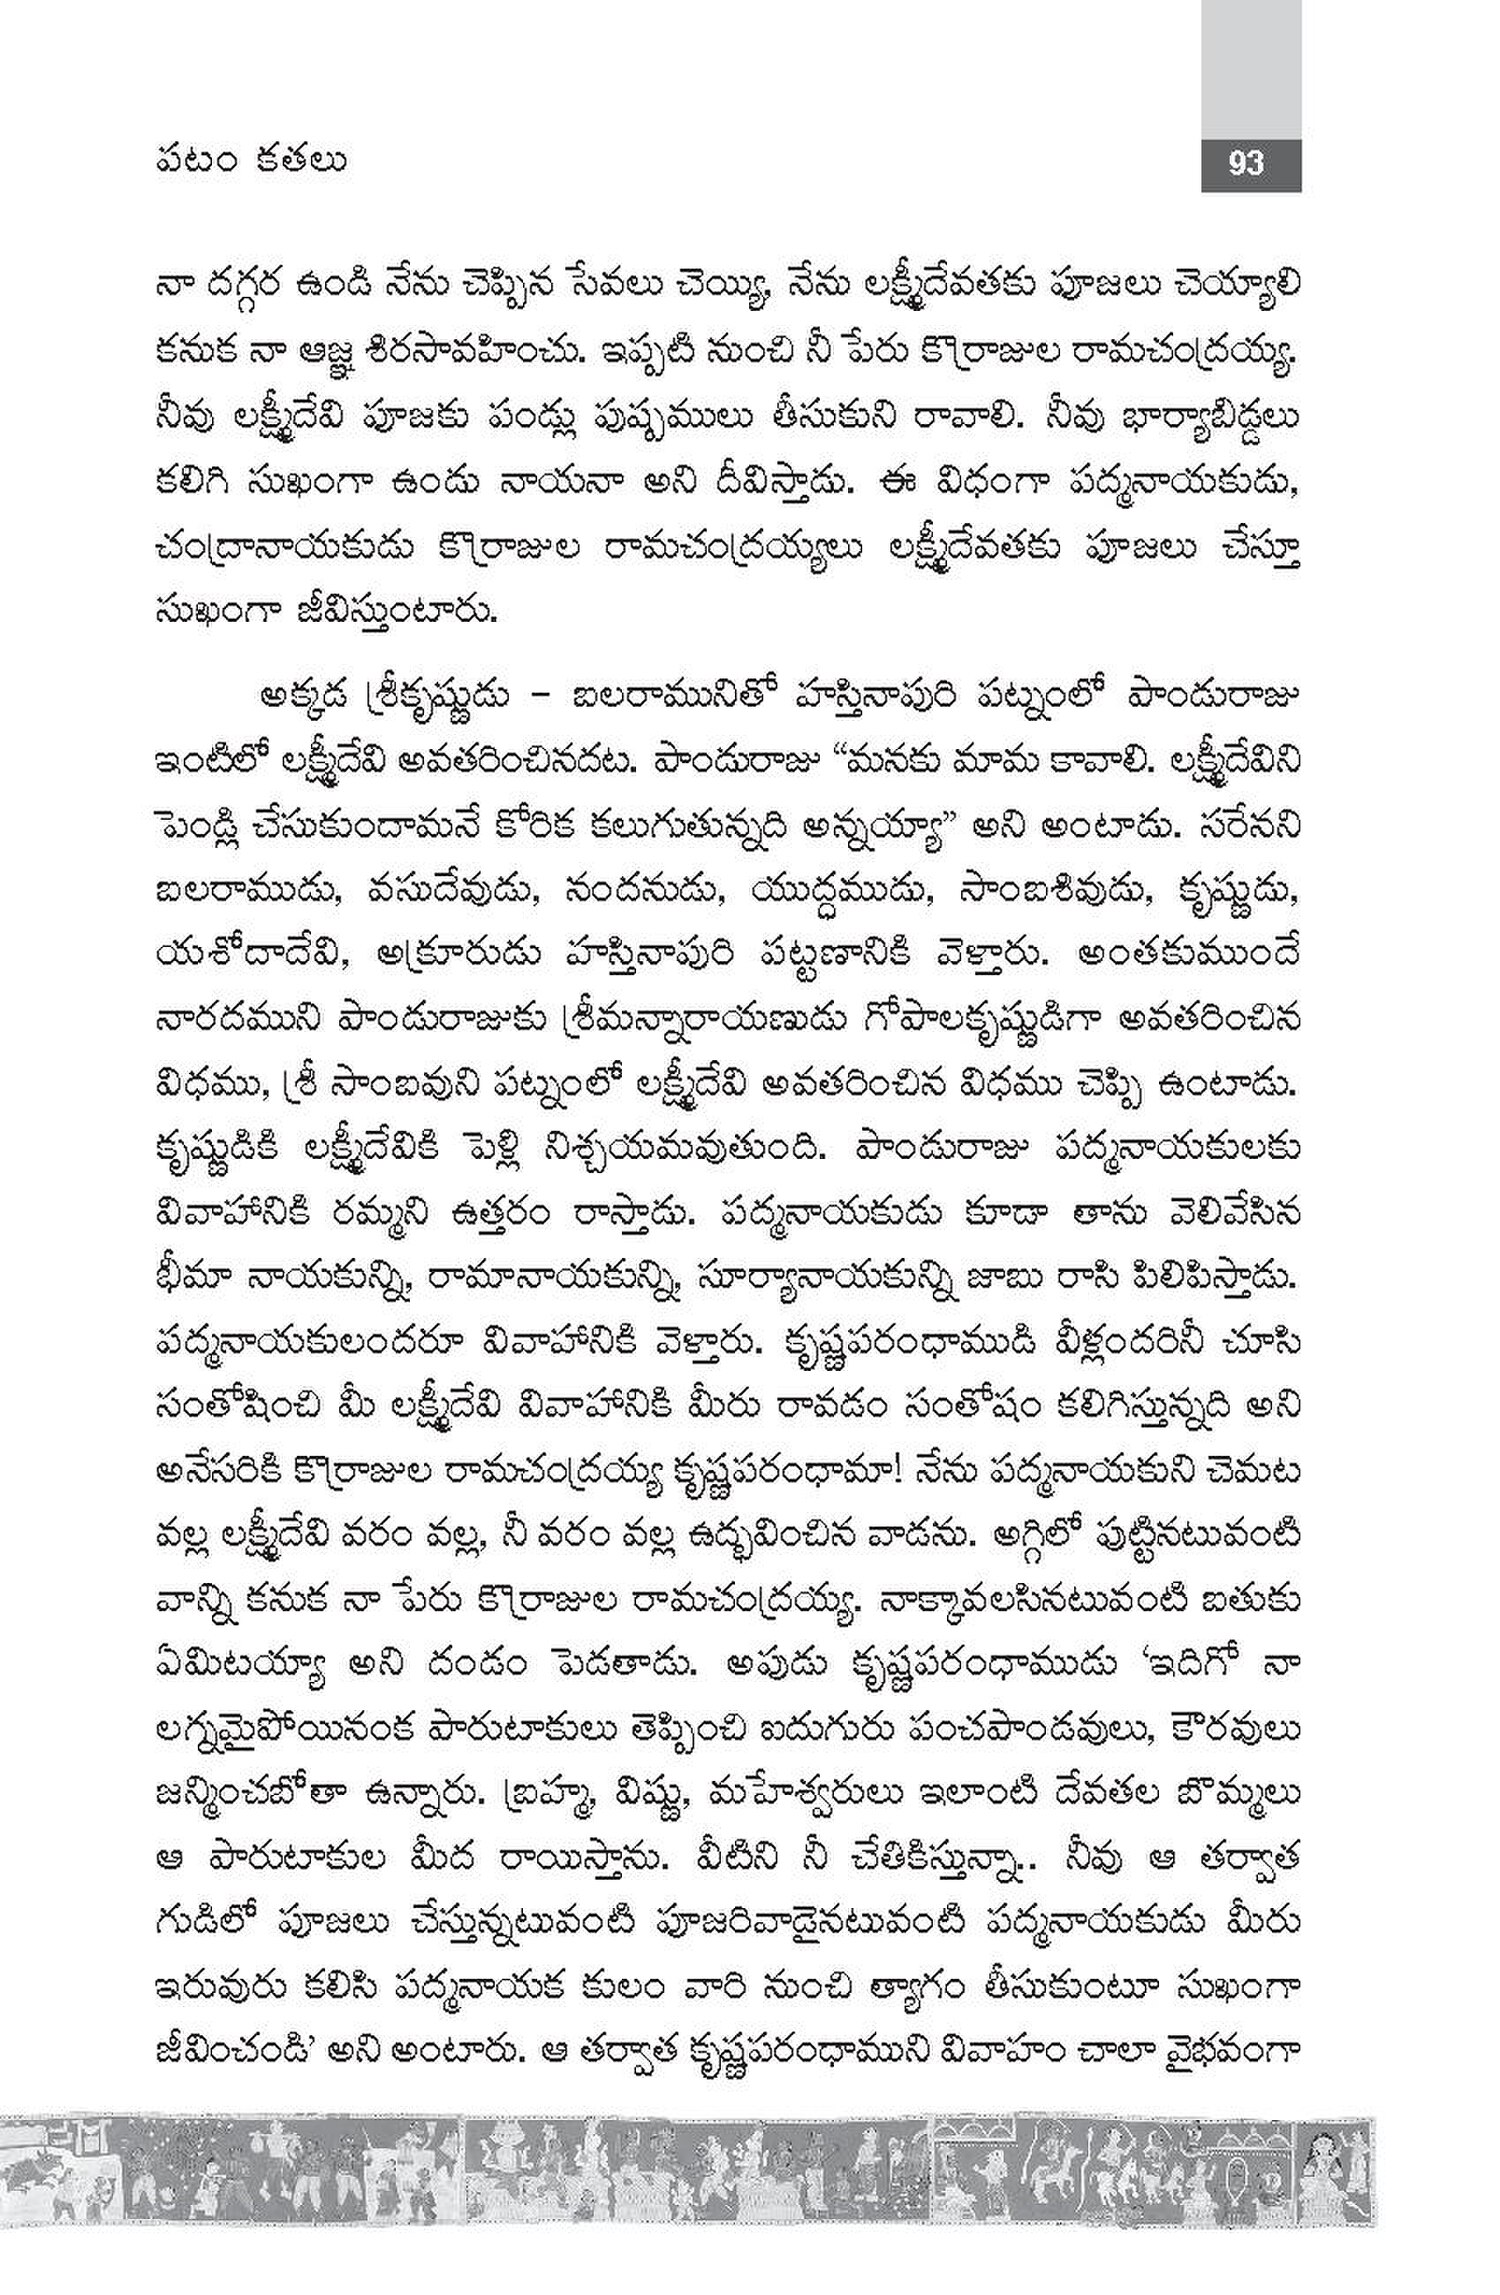నా దగ్గర ఉండి నేను చెప్పిన సేవలు చెయ్యి, నేను లక్ష్మీదేవతకు పూజలు చెయ్యాలి కనుక నా ఆజ్ఞ శిరసావహించు. ఇప్పటి నుంచి నీ పేరు కొర్రాజుల రామచంద్రయ్య. నీవు లక్ష్మీదేవి పూజకు పండ్లు పుష్పములు తీసుకుని రావాలి. నీవు భార్యాబిడ్డలు కలిగి సుఖంగా ఉండు నాయనా అని దీవిస్తాడు. ఈ విధంగా పద్మనాయకుడు, చంద్రానాయకుడు కొర్రాజుల రామచంద్రయ్యలు లక్ష్మీదేవతకు పూజలు చేస్తూ సుఖంగా జీవిస్తుంటారు.

అక్కడ శ్రీకృష్ణుడు -బలరామునితో హస్తినాపురి పట్నంలో పాండురాజు ఇంటిలో లక్ష్మీదేవి అవతరించినదట. పాండురాజు “మనకు మామ కావాలి. లక్ష్మీదేవిని పెండ్లి చేసుకుందామనే కోరిక కలుగుతున్నది అన్నయ్యా" అని అంటాడు. సరేనని
బలరాముడు, వసుదేవుడు, నందనుడు, యుద్ధముడు, సాంబశివుడు, కృష్ణుడు, యశోదాదేవి, అక్రూరుడు హస్తినాపురి పట్టణానికి వెళ్తారు. అంతకుముందే నారదముని పాండురాజుకు శ్రీమన్నారాయణుడు గోపాలకృష్ణుడిగా అవతరించిన
విధము, శ్రీ సాంబవుని పట్నంలో లక్ష్మీదేవి అవతరించిన విధము చెప్పి ఉంటాడు. కృష్ణుడికి లక్ష్మీదేవికి పెళ్లి నిశ్చయమవుతుంది. పాండురాజు పద్మనాయకులకు వివాహానికి రమ్మని ఉత్తరం రాస్తాడు. పద్మనాయకుడు కూడా తాను వెలివేసిన భీమా నాయకున్ని, రామానాయకున్ని, సూర్యానాయకున్ని జాబు రాసి పిలిపిస్తాడు. పద్మనాయకులందరూ వివాహానికి వెళ్తారు. కృష్ణపరంధాముడి వీళ్లందరినీ చూసి సంతోషించి మీ లక్ష్మీదేవి వివాహానికి మీరు రావడం సంతోషం కలిగిస్తున్నది అని అనేసరికి కొర్రాజుల రామచంద్రయ్య కృష్ణపరంధామా! నేను పద్మనాయకుని చెమట వల్ల లక్ష్మీదేవి వరం వల్ల, నీ వరం వల్ల ఉద్భవించిన వాడను. అగ్గిలో పుట్టినటువంటి వాన్ని కనుక నా పేరు కొర్రాజుల రామచంద్రయ్య. నాక్కావలసినటువంటి బతుకు ఏమిటయ్యా అని దండం పెడతాడు. అపుడు కృష్ణపరంధాముడు 'ఇదిగో నా లగ్నమైపోయినంక పారుటాకులు తెప్పించి ఐదుగురు పంచపాండవులు, కౌరవులు జన్మించబోతా ఉన్నారు. బ్రహ్మ, విష్ణు, మహేశ్వరులు ఇలాంటి దేవతల బొమ్మలు ఆ పారుటాకుల మీద రాయిస్తాను. వీటిని నీ చేతికిస్తున్నా.. నీవు ఆ తర్వాత గుడిలో పూజలు చేస్తున్నటువంటి పూజరివాడైనటువంటి పద్మనాయకుడు మీరు ఇరువురు కలిసి పద్మనాయక కులం వారి నుంచి త్యాగం తీసుకుంటూ సుఖంగా జీవించండి' అని అంటారు. ఆ తర్వాత కృష్ణపరంధాముని వివాహం చాలా వైభవంగా